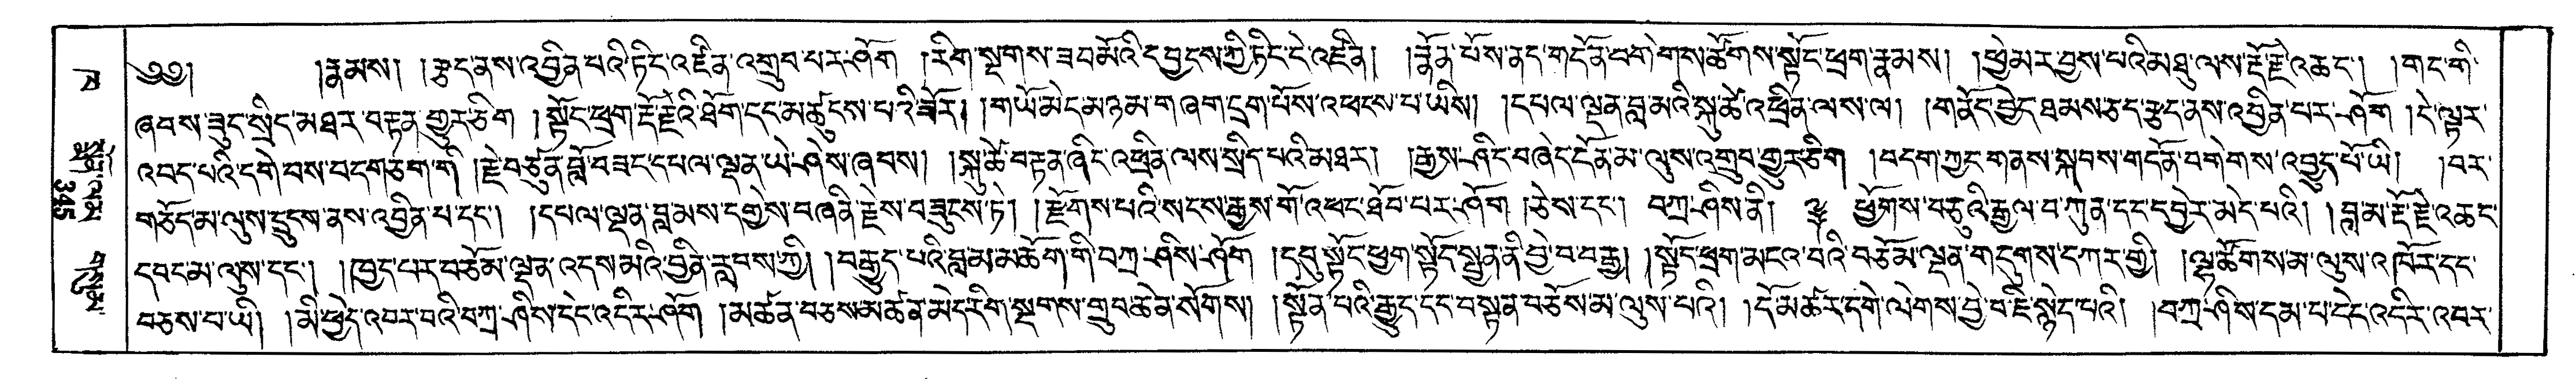༄༅། །རྣམས། །རྩད་ནས་འབྱིན་པའི་ཏིང་འཛིན་འགྲུབ་པར་ཤོག །རིག་སྔགས་ཟབ་མོའི་དབྱངས་ཀྱི་ཏིང་ངེ་འཛིན། །རྣོན་པོས་ནད་གདོན་བགེགས་ཚོགས་སྟོང་ཕྲག་རྣམས། །ཕྱེ་མར་བྱས་པའི་མཐུ་ལས་རྡོ་རྗེ་འཆང་། །གང་གི་
ཞབས་ཟུང་སྲིད་མཐར་བརྟན་གྱུར་ཅིག །སྟོང་ཕྲག་རྡོ་རྗེའི་ཐོག་དང་མཚུངས་པའི་ཟོར། །གཡོ་མེད་མཉམ་གཞག་དྲག་པོས་འཕངས་པ་ཡིས། །དཔལ་ལྡན་བླ་མའི་སྐུ་ཚེ་འཕྲིན་ལས་ལ། །གནོད་བྱེད་ཐམས་ཅད་རྩད་ནས་འབྱིན་པར་ཤོག །དེ་ལྟར་
འབར་བའི་དགེ་བས་བདག་ཅག་གི །རྗེ་བཙུན་བློ་བཟང་དཔལ་ལྡན་ཡེ་ཤེས་ཞབས། །སྐུ་ཚེ་བརྟན་ཞིང་འཕྲིན་ལས་སྲིད་པའི་མཐར། །རྒྱས་ཤིང་བཞེད་དོན་མ་ལུས་འགྲུབ་གྱུར་ཅིག །བདག་ཀྱང་གནས་སྐབས་གདོན་བགེགས་འབྱུང་པོ་ཡི། །བར་
གཅོད་མ་ལུས་དྲུངས་ནས་འབྱིན་པ་དང་། །དཔལ་ལྡན་བླ་མས་དགྱེས་བཞིན་རྗེས་བཟུངས་ཏེ། །རྫོགས་པའི་སངས་རྒྱས་གོ་འཕང་ཐོབ་པར་ཤོག །ཅེས་དང་། བཀྲ་ཤིས་ནི། ༈ ཕྱོགས་བཅུའི་རྒྱལ་བ་ཀུན་དང་དབྱེར་མེད་པའི། །བླ་མ་རྡོ་རྗེ་འཆང་
དབང་མ་ལུས་དང་། །ཁྱད་པར་བཅོམ་ལྡན་འདས་མའི་བྱིན་རླབས་ཀྱི། །བརྒྱུད་པའི་བླ་མ་མཆོག་གི་བཀྲ་ཤིས་ཤོག །དབུ་སྟོང་ཕྱག་སྟོང་སྤྱན་ནི་བྱེ་བ་བརྒྱ། །སྟོང་ཕྲག་མངའ་བའི་བཅོམ་ལྡན་གདུགས་དཀར་གྱི། །ལྷ་ཚོགས་མ་ལུས་འཁོར་དང་
བཅས་པ་ཡི། །མི་ཕྱེད་འབར་བའི་བཀྲ་ཤིས་དེང་འདིར་ཤོག །མཚན་བཅེས་མཚན་མེད་རིག་སྔགས་གྲུབ་ཆེན་སོགས། །སྟོན་པའི་རྒྱུད་དང་བསྟན་བཅོས་མ་ལུས་པའི། །ངོ་མཚར་དགེ་ལེགས་བྱེད་པ་ཇི་སྙེད་པའི། །བཀྲ་ཤིས་དམ་པ་དེང་འདིར་འབར་